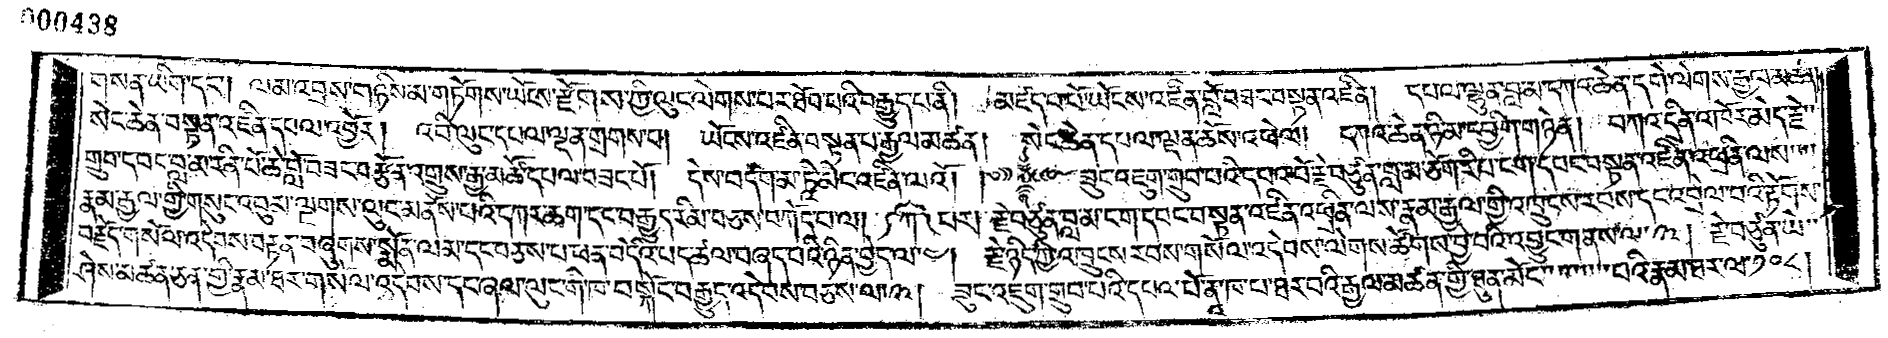གསན་ཡིག་དང་། ལམ་འབྲས་གཉིས་མ་གཏོགས་ཡོངས་རྫོགས་ཀྱི་ལུང་ལེགས་པར་ཐོབ་པའི་བརྒྱུད་པ་ནི། མཛད་པ་པོ་ཡོངས་འཛིན་བློ་བཟང་བསྟན་འཛིན། དཔལ་ལྷུན་བླ་མ་དཀའ་ཆེན་དགེ་ལེགས་རྒྱལ་མཚན།
སེང་ཆེན་བསྟན་འཛིན་དཔལ་འབྱོར། འབི་ལུང་དཔལ་ལྡན་གྲགས་པ། ཡོངས་འཛིན་བསྟན་པ་རྒྱལ་མཚན། སེང་ཆེན་དཔལ་ལྡན་ཆོས་འཕེལ། དཀའ་ཆེན་ཉི་མ་དབྱིག་གཉེན། བཀའ་དྲིན་འཁོར་མེད་རྗེ་
གྲུབ་དབང་བླ་མ་རིན་པོ་ཆེ་བློ་བཟང་བརྩོན་འགྲུས་རྒྱ་མཚོ་དཔལ་བཟང་པོ། དེས་བདག་མ་ཏཱི་མིང་འཛིན་ལའོ། །ཟུང་འཇུག་གྲུབ་པའི་དཔའ་པོ་རྗེ་བཙུན་བླ་མ་ཅོག་རི་པ་ངག་དབང་བསྟན་འཛིན་འཕྲིན་ལས་
རྣམ་རྒྱལ་གྱི་གསུང་འབུམ་ལྔགས་ལུང་མནོས་པའི་དཀར་ཆག་དང་བརྒྱུད་རིམ་བཅས་བཀོད་པ་ལ། ༼ཀ༽ པར། རྗེ་བཙུན་བླ་མ་ངག་དབང་བསྟན་འཛིན་འཕྲིན་ལ་རྣམ་རྒྱལ་གྱི་འཁྲུངས་རབས་དང་འབྲེལ་བའི་རྟོགས་
བརྗོད་གསོལ་འདེབས་བརྟན་བཞུགས་སྨོན་ལམ་དང་བཅས་པ་ཕན་བདེའི་པད་ཚལ་བཞད་པའི་ཉིན་བྱེད་ལ ༤། རྗེ་ཉིད་ཀྱི་འཁྲུངས་རབས་གསོལ་འདེབས་ལེགས་ཚོགས་བྱེ་བའི་འབྱུང་གནས་ལ༣། རྗེ་བཙུན་ཡེ་
ཤེས་མཚན་ཅན་གྱི་རྣམ་ཐར་གསོལ་འདེབས་དང་ཞལ་ལུང་གི་ཁ་བསྐོང་བརྒྱུད་འདེབས་བཅས་ལ༣། ཟུང་འཇུག་གྲུབ་པའི་དཔའ་བོ་ནཱ་ཁ་པ་ཐར་བའི་རྒྱལ་མཚན་གྱི་ཐུན་མོང་བའི་རྣམ་ཐར་ལ ༡༠༨།